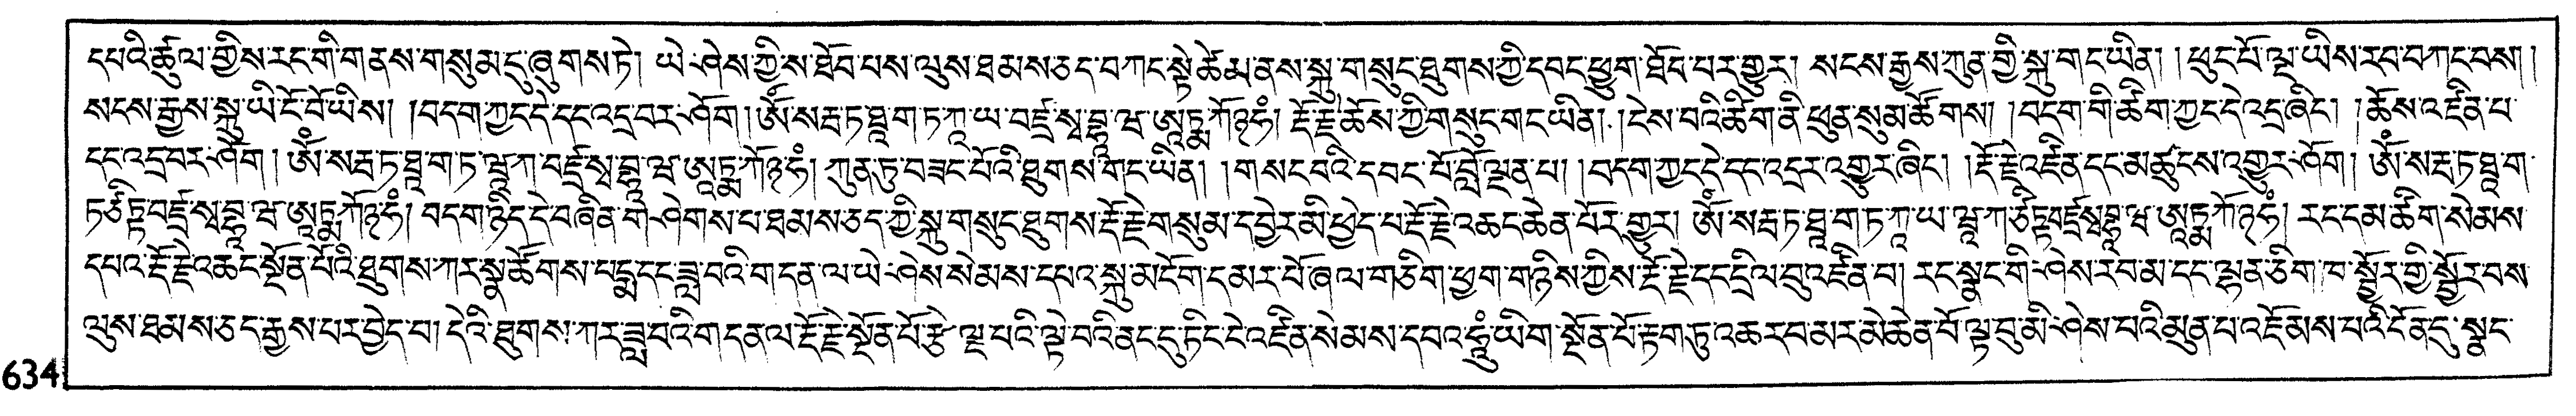དཔའི་ཚུལ་གྱིས་རང་གི་གནས་གསུམ་དུ་ཞུགས་ཏེ། ཡེ་ཤེས་ཀྱི་ས་ཐོབ་པས་ལུས་ཐམས་ཅད་བཀང་སྟེ་ཚེམ་ནས་སྐུ་གསུང་ཐུགས་ཀྱི་དབང་ཕྱུག་ཐོབ་པར་གྱུར། སངས་རྒྱས་ཀུན་གྱི་སྐུ་གང་ཡིན། །ཕུང་པོ་ལྔ་ཡིས་རབ་བཀང་བས། །
སངས་རྒྱས་སྐུ་ཡི་ངོ་བོ་ཡིས། །བདག་ཀྱང་དེ་དང་འདྲ་བར་ཤོག །ཨོཾ་སརྦ་ཏ་ཐཱ་ག་ཏ་ཀཱ་ཡ་བཛྲ་སྭ་བྷཱ་ཝ་ཨཱཏྨ་ཀོཉྷཾ། རྡོ་རྗེ་ཆོས་ཀྱི་གསུང་གང་ཡིན། །ངེས་པའི་ཚིག་ནི་ཕུན་སུམ་ཚོགས། །བདག་གི་ཚིག་ཀྱང་དེ་འདྲ་ཞིང་། །ཆོས་འཛིན་པ་
དང་འདྲ་བར་ཤོག །ཨོཾ་སརྦ་ཏ་ཐཱ་ག་ཏ་ཝཱ་ཀ་བཛྲ་སྭ་བྷཱ་ཝ་ཨཱཏྨ་ཀོཉ་ཧཾ། ཀུན་ཏུ་བཟང་པོའི་ཐུགས་གང་ཡིན། །གསང་བའི་དབང་པོ་བློ་ལྡན་པ། །བདག་ཀྱང་དེ་དང་འདྲར་འགྱུར་ཞིང་། །རྡོ་རྗེ་འཛིན་དང་མཚུངས་འགྱུར་ཤོག །ཨོཾ་སརྦ་ཏ་ཐཱ་ག་
ཏཙིཏྟ་བཛྲ་སྭ་བྷཱ་ཝ་ཨཱཏྨ་ཀོཉ་ཧཾ། བདག་ཉིད་དེ་བཞིན་གཤེགས་པ་ཐམས་ཅད་ཀྱི་སྐུ་གསུང་ཐུགས་རྡོ་རྗེ་གསུམ་དབྱེར་མི་ཕྱེད་པ་རྡོ་རྗེ་འཆང་ཆེན་པོར་གྱུར། ཨོཾ་སརྦ་ཏ་ཐཱ་ག་ཏ་ཀཱ་ཡ་ཝཱ་ཀ་ཙིཏྟ་བཛྲ་སྭབྷཱ་ཝ་ཨཱཏྨ་ཀོ་ཉ་ཧཾ། རང་དམ་ཚིག་སེམས་
དཔའ་རྡོ་རྗེ་འཆང་སྔོན་པོའི་ཐུགས་ཀར་སྣ་ཚོགས་པདམ་དང་ཟླ་བའི་གདན་ལ་ཡེ་ཤེས་སེམས་དཔའ་སྐུ་མདོག་དམར་པོ་ཞལ་གཅིག་ཕྱག་གཉིས་ཀྱིས་རྡོ་རྗེ་དང་དྲིལ་བུ་འཛིན་པ། རང་སྣང་གི་ཤེས་རབ་མ་དང་ལྷན་ཅིག་ཁ་སྦྱོར་གྱི་སྦྱོར་བས་
ལུས་ཐམས་ཅད་རྒྱས་པར་བྱེད་པ། དེའི་ཐུགས་ཀར་ཟླ་བའི་གདན་ལ་རྡོ་རྗེ་སྔོན་པོ་རྩེ་ལྔ་པའི་ལྟེ་བའི་ནང་དུ་ཏིང་ངེ་འཛིན་སེམས་དཔའ་ཧཱུཾ་ཡིག་སྔོན་པོ་རྟག་ཏུ་འཆར་བ་མར་མེ་ཆེན་པོ་ལྟ་བུ་མི་ཤེས་པའི་མུན་པ་འཇོམས་པའི་དོན་དུ་སྣང་